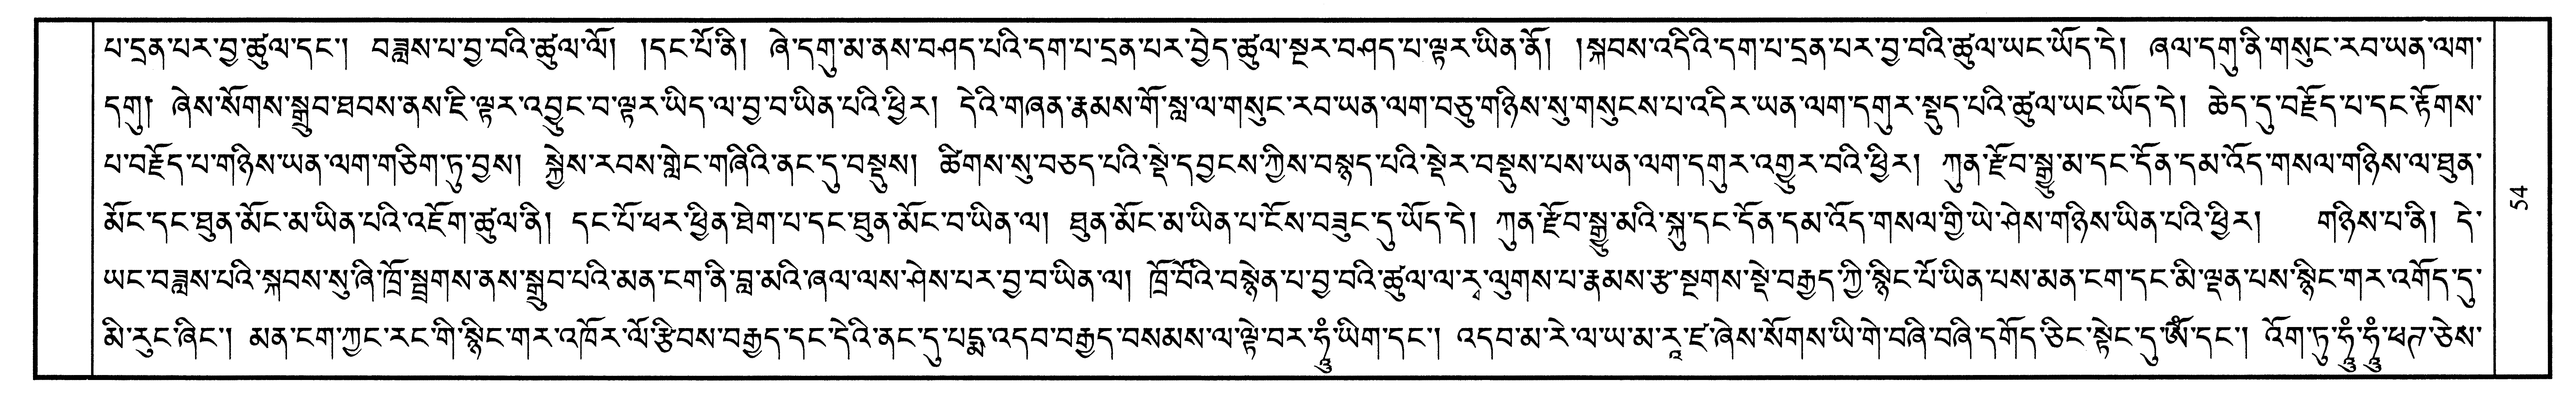པ་དྲན་པར་བྱ་ཚུལ་དང་། བཟླས་པ་བྱ་བའི་ཚུལ་ལོ། །དང་པོ་ནི། ཞེ་དགུ་མ་ནས་བཤད་པའི་དག་པ་དྲན་པར་བྱེད་ཚུལ་སྔར་བཤད་པ་ལྟར་ཡིན་ནོ། །སྐབས་འདིའི་དག་པ་དྲན་པར་བྱ་བའི་ཚུལ་ཡང་ཡོད་དེ། ཞལ་དགུ་ནི་གསུང་རབ་ཡན་ལག་
དགུ། ཞེས་སོགས་སྒྲུབ་ཐབས་ནས་ཇི་ལྟར་འབྱུང་བ་ལྟར་ཡིད་ལ་བྱ་བ་ཡིན་པའི་ཕྱིར། དེའི་གཞན་རྣམས་གོ་སླ་ལ་གསུང་རབ་ཡན་ལག་བཅུ་གཉིས་སུ་གསུངས་པ་འདིར་ཡན་ལག་དགུར་སྡུད་པའི་ཚུལ་ཡང་ཡོད་དེ། ཆེད་དུ་བརྗོད་པ་དང་རྟོགས་
པ་བརྗོད་པ་གཉིས་ཡན་ལག་གཅིག་ཏུ་བྱས། སྐྱེས་རབས་གླེང་གཞིའི་ནང་དུ་བསྡུས། ཚིགས་སུ་བཅད་པའི་སྡེ་དབྱངས་ཀྱིས་བསྙད་པའི་སྡེར་བསྡུས་པས་ཡན་ལག་དགུར་འགྱུར་བའི་ཕྱིར། ཀུན་རྫོབ་སྒྱུ་མ་དང་དོན་དམ་འོད་གསལ་གཉིས་ལ་ཐུན་
མོང་དང་ཐུན་མོང་མ་ཡིན་པའི་འཇོག་ཚུལ་ནི། དང་པོ་ཕར་ཕྱིན་ཐེག་པ་དང་ཐུན་མོང་བ་ཡིན་ལ། ཐུན་མོང་མ་ཡིན་པ་ངོས་བཟུང་དུ་ཡོད་དེ། ཀུན་རྫོབ་སྒྱུ་མའི་སྐུ་དང་དོན་དམ་འོད་གསལ་གྱི་ཡེ་ཤེས་གཉིས་ཡིན་པའི་ཕྱིར། གཉིས་པ་ནི། དེ་
ཡང་བཟླས་པའི་སྐབས་སུ་ཞི་ཁྲོ་སྦྲགས་ནས་སྒྲུབ་པའི་མན་ངག་ནི་བླ་མའི་ཞལ་ལས་ཤེས་པར་བྱ་བ་ཡིན་ལ། ཁྲོ་བོའི་བསྙེན་པ་བྱ་བའི་ཚུལ་ལ་རྭ་ལུགས་པ་རྣམས་རྩ་སྔགས་སྡེ་བརྒྱད་ཀྱི་སྙིང་པོ་ཡིན་པས་མན་ངག་དང་མི་ལྡན་པས་སྙིང་གར་འགོད་དུ་
མི་རུང་ཞིང་། མན་ངག་ཀྱང་རང་གི་སྙིང་གར་འཁོར་ལོ་རྩིབས་བརྒྱད་དང་དེའི་ནང་དུ་པདམ་འདབ་བརྒྱད་བསམས་ལ་ལྟེ་བར་ཧཱུཾ་ཡིག་དང་། འདབ་མ་རེ་ལ་ཡ་མ་རཱ་ཛ་ཞེས་སོགས་ཡི་གེ་བཞི་བཞི་དགོད་ཅིང་སྟེང་དུ་ཨོཾ་དང་། འོག་ཏུ་ཧཱུཾ་ཧཱུཾ་ཕཊ་ཅེས་